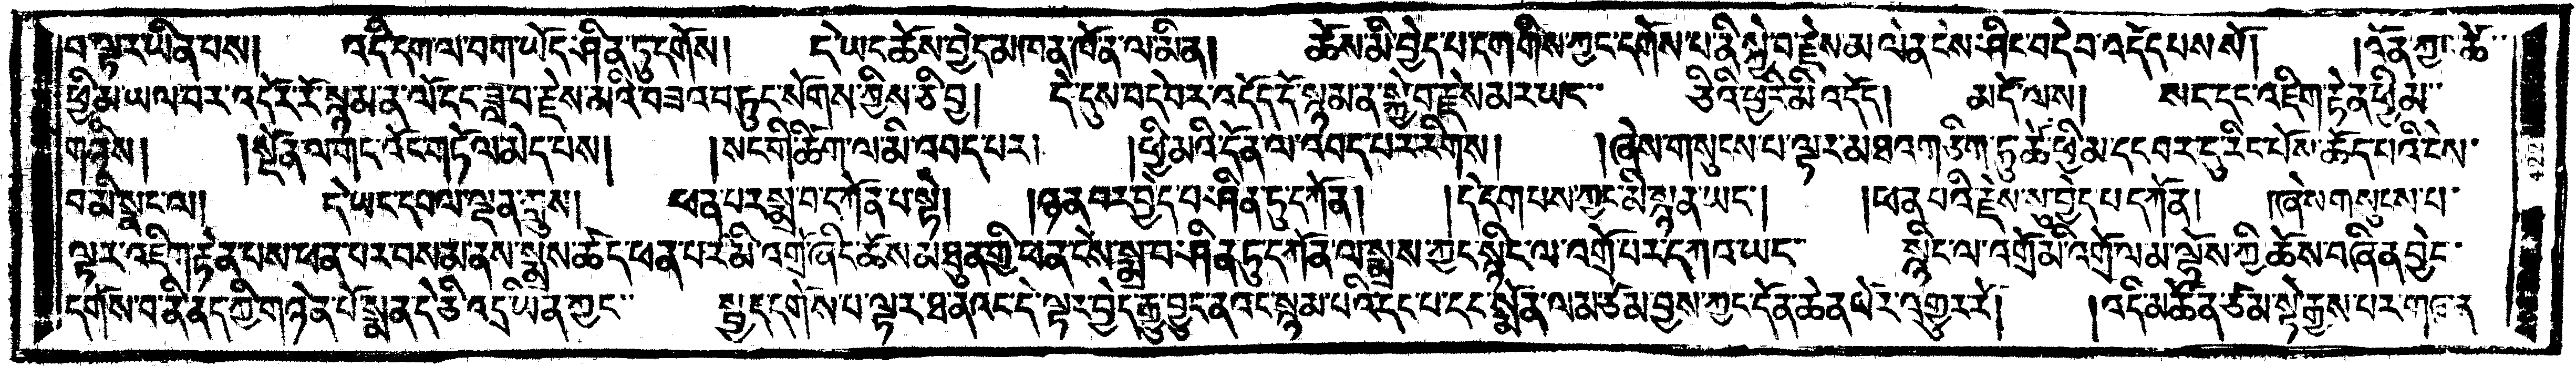བ་ལྟར་ཡིན་པས། འདི་དག་ལ་བག་ཡོད་ཤིན་ཏུ་དགོས། དེ་ཡང་ཆོས་བྱེད་མཁན་ཁོ་ན་ལ་མིན། ཆོས་མི་བྱེད་པ་དག་གིས་ཀྱང་དགོས་པ་ནི་སྐྱེ་བ་རྗེས་མ་ལེན་ངེས་ཤིང་བདེ་བ་འདོད་པས་སོ། །འོན་ཀྱང་ཚེ་
ཕྱི་མ་ཡལ་བར་འདོར་རོ་སྙམ་ན་ལོ་དང་ཟླ་བ་རྗེས་མའི་བཟའ་བཏུང་སོགས་ཀྱིས་ཅི་བྱ། དེ་དུས་བདེ་བར་འདོད་དོ་སྙམ་ན་སྐྱེ་བ་རྗེས་མར་ཡང་ཅིའི་ཕྱིར་མི་འདོད། མདོ་ལས། སང་དང་འཇིག་རྟེན་ཕྱི་མ་
གཉིས། །སྔོན་ལ་གང་འོང་གཏོ་ལ་མེད་པས། །སང་གི་ཚིག་ལ་མི་འབད་པར། །ཕྱི་མའི་དོན་ལ་འབད་པར་རིགས། །ཞེས་གསུངས་པ་ལྟར་མཐའ་གཅིག་ཏུ་ཚེ་ཕྱི་མ་དང་བར་དུ་རིང་པོས་ཆོད་པའི་ངེས་
བ་མི་སྣང་ལ། དེ་ཡང་དཔལ་ལྡན་ཀླུས། ཕན་པར་སྨྲ་བ་དཀོན་པ་སྟེ། །ཉན་བར་བྱེད་བ་ཤིན་ཏུ་དཀོན། །དེ་དག་པས་ཀྱང་མི་སྙན་ཡང་། །ཕན་བའི་རྗེས་སུ་བྱེད་པ་དཀོན། །ཞེས་གསུངས་པ་
ལྟར་འཇིག་རྟེན་པས་ཕན་པར་བསམ་ནས་སྨྲས་ཚད་ཕན་པར་མི་འགྲོ་ཞིང་ཆོས་མཐུན་གྱི་ཕན་ངེས་སྨྲ་བ་ཤིན་ཏུ་དཀོན་ལ་སྨྲས་ཀྱང་སྙིང་ལ་འགྲོ་བར་དཀའ་ཡང་སྙིང་ལ་འགྲོ་ལམ་མ་ལྷོས་ཀྱི་ཆོས་བཞིན་བྱེད་
དགོས་བ་ནི་ནད་ཀྱི་གཉེན་པོ་སྨན་དེ་ཅི་འདྲ་ཡིན་ཀྱང་སྤྱད་དགོས་པ་ལྟར་ཐ་ནའང་དེ་ལྟར་བྱེད་རྒྱུ་བྱུང་ནའང་སྙམ་པའི་དང་པ་དང་སྨོན་ལམ་ཙམ་བྱས་ཀྱང་དོན་ཆེན་ལོར་འགྱུར་རོ། །འདི་མཚོན་ཙམ་སྟེ་རྒྱས་པར་གཞན་